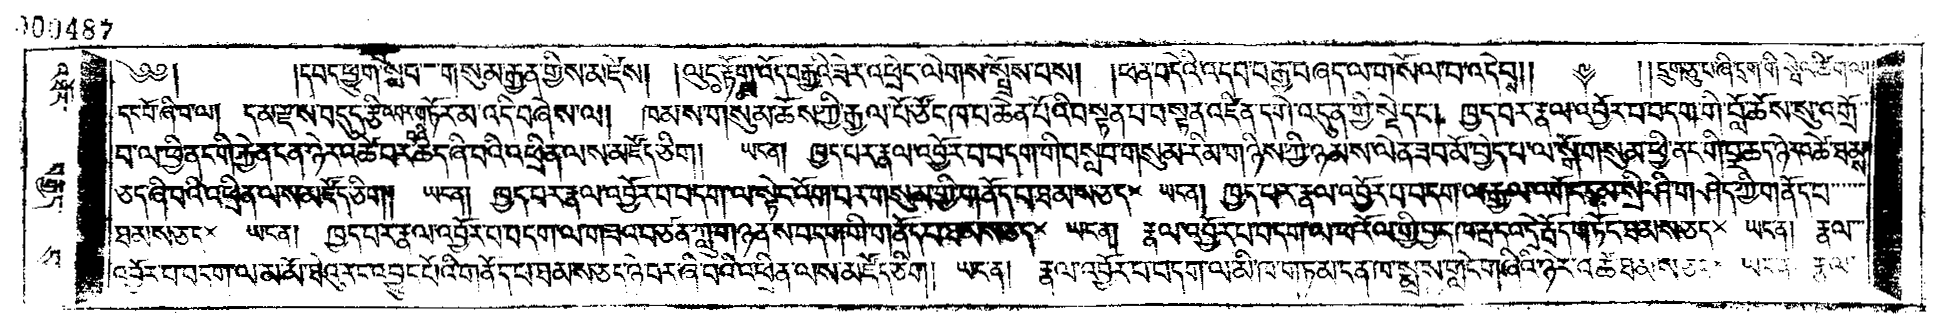༄༅། །དབང་ཕྱུག་བསླབ་གསུམ་རྒྱན་གྱིས་མཛེས། །ལུང྾་རྟོགས྾་འོད་བརྒྱའི་ཟེར་འཕྲེང་ལེགས་སྤྲོས་པས། །ཕན་བདེའི་འདབ་བརྒྱ་བཞད་ལ་གསོལ་བ་འདེབས།། ༈ །།དྲུག་ཅུ་པ་ཞི་དྲག་གི་སྤེལ་ཚིག་ལ།
དང་པོ་ཞི་བ་ལ། དམ་རྫས་བདུད་རྩི་འབར་བའི་གཏོར་མ་འདི་བཞེས་ལ། ཁམས་གསུམ་ཆོས་ཀྱི་རྒྱལ་པོ་ཙོང་ཁ་པ་ཆེན་པོའི་བསྟན་པ་བསྟན་འཛིན་དགེ་འདུན་གྱི་སྡེ་དང་། ཁྱད་པར་རྣལ་འབྱོར་པ་བདག་གི་བློ་ཆོས་སུ་འགྲོ་
བ་ལ་ཕྱི་ནང་གི་རྐྱེན་ངན་ཉེར་འཚེ་བར་ཆད་ཞི་བའི་འཕྲིན་ལས་མཛོད་ཅིག ། ཡང་ན།  ཁྱད་པར་རྣལ་འབྱོར་པ་བདག་གི་བསླབ་གསུམ་རིམ་གཉིས་ཀྱི་ཉམས་ལེན་ཟབ་མོ་བྱེད་པ་ལ་སྒོ་གསུམ་ཕྱི་ནང་གི་བར་ཆད་ཉེར་འཚེ་ཐམས་
ཅད་ཞི་བའི་འཕྲིན་ལས་མཛོད་ཅིག ། ཡང་ན།  ཁྱད་པར་རྣལ་འབྱོར་པ་བདག་ལ་སྟེང་འོག་བར་གསུམ་གྱི་གནོད་པ་ཐམས་ཅད྾་ཡང་ན།  ཁྱད་པར་རྣལ་འབྱོར་པ་བདག་ལ་རྒྱལ་འགོང་དམ་སྲི་ཤི་གཤེད་ཀྱི་གནོད་པ་
ཐམས་ཅད྾་ཡང་ན།  ཁྱད་པར་རྣལ་འབྱོར་པ་བདག་ལ་གཟའ་བཙན་ཀླུ་གཉན་ས་བདག་གི་གནོད་པ་ཐམས་ཅད྾་ཡང་ན།  རྣལ་འབྱོར་པ་བདག་ལ་ཕ་རོལ་གྱི་བྱད་ཁ་རྦད་འདྲེ་རྦོད་གཏོང་ཐམས་ཅད྾་ཡང་ན།  རྣལ་
འབྱོར་པ་བདག་ལ་མ་མོ་ཐེའུ་རང་འབྱུང་པོའི་གནོད་པ་ཐམས་ཅད་ཉེ་བར་ཞི་བའི་འཕྲིན་ལས་མཛོད་ཅིག ། ཡང་ན།  རྣལ་འབྱོར་པ་བདག་ལ་མི་ཁ་གཏམ་ངན་ཁ་སྨྲས་གླེང་གཞིའི་ཉེར་འཚེ་ཐམས་ཅད྾་ཡང་ན། རྣལ་